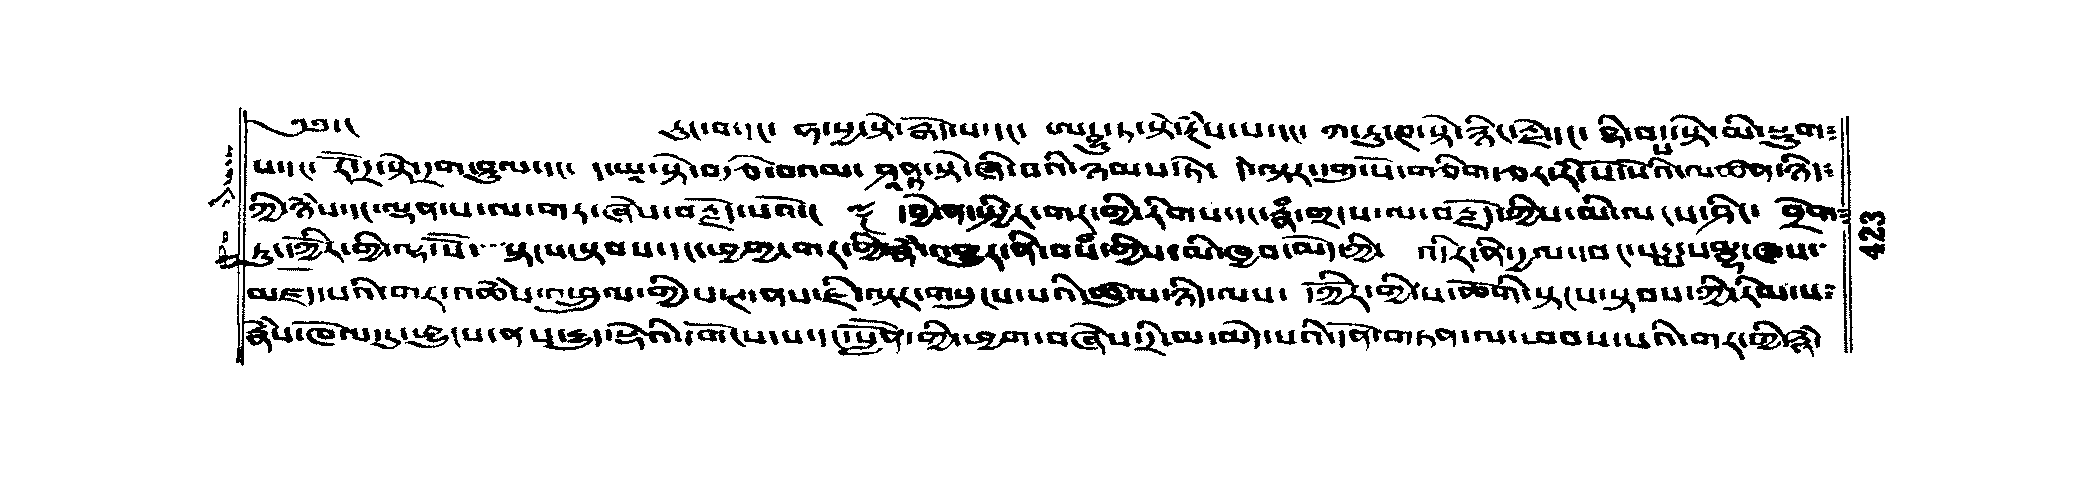རུང་བ་དང་། ཧ་སྱ་སྟེ་རྒོད་པ་དང་། ཨདྦྷུ་ཏ་སྟེ་རྔམས་པ་དང་། ཀ་རུ་ཎ་སྟེ་སྙིང་རྗེ་དང་། བྷི་བདཔ་སྟེ་མི་སྡུག་
པ་དང་། རཽ་དྲ་སྟེ་དྲག་ཤུལ་དང་། ད་ཡཱ་སྟེ་རྩེ་བའམ། ཤཱ་ནྟ་སྟེ་ཞི་བའི་ཉམས་སྟེ། དེ་ལྟར་དགུ་པོ་གཅིག་ཅར་རམ་སོ་སོའི་མཚན་ཉིད་
ཀྱི་ཉམས་དང་ལྡན་པ་ལ་གར་ཞེས་བརྗོད་པའོ། ༈ དབྱེ་ན་སྤྱིར་གར་གྱི་རིགས་དང་རྣམ་གྲངས་ལ་བརྗོད་ཀྱི་མི་ལངས་ཤིང་། བྱེ་བྲག་
ཏུ་དཀྱིལ་འཁོར་གྱི་ལྷ་སོ་སོ་སྟངས་སྟབས་དང་ཕྱག་རྒྱ་གར་གྱི་རྣམ་འགྱུར་ནི་བསམ་གྱིས་མི་ཁྱབ་མོད་ཀྱི། འདིར་ནི་རྒྱལ་དབང་པདྨ་སམྦྷ་ཝས་
མཛད་པའི་གར་འཆམ་འཕྲུལ་གྱི་པ་ཊ་ནས་ཇི་ལྟར་གསུངས་པའི་ཚུལ་ཉིད་ལས། དཀྱིལ་འཁོར་གྱི་ས་ཆོག་གི་སྟངས་སྟབས་ཀྱི་རིམ་པ་
རྣམས་ཁོལ་དུ་ཕྱུངས་ནས་རྒྱུད་སྡེའི་དགོངས་པ་དང་སློབ་དཔོན་་གྱི་ཕྱག་བཞེས་དྲི་མ་མེད་པའི་དོན་གཏན་ལ་ཕབས་པའི་གར་གྱི་རྣམ་